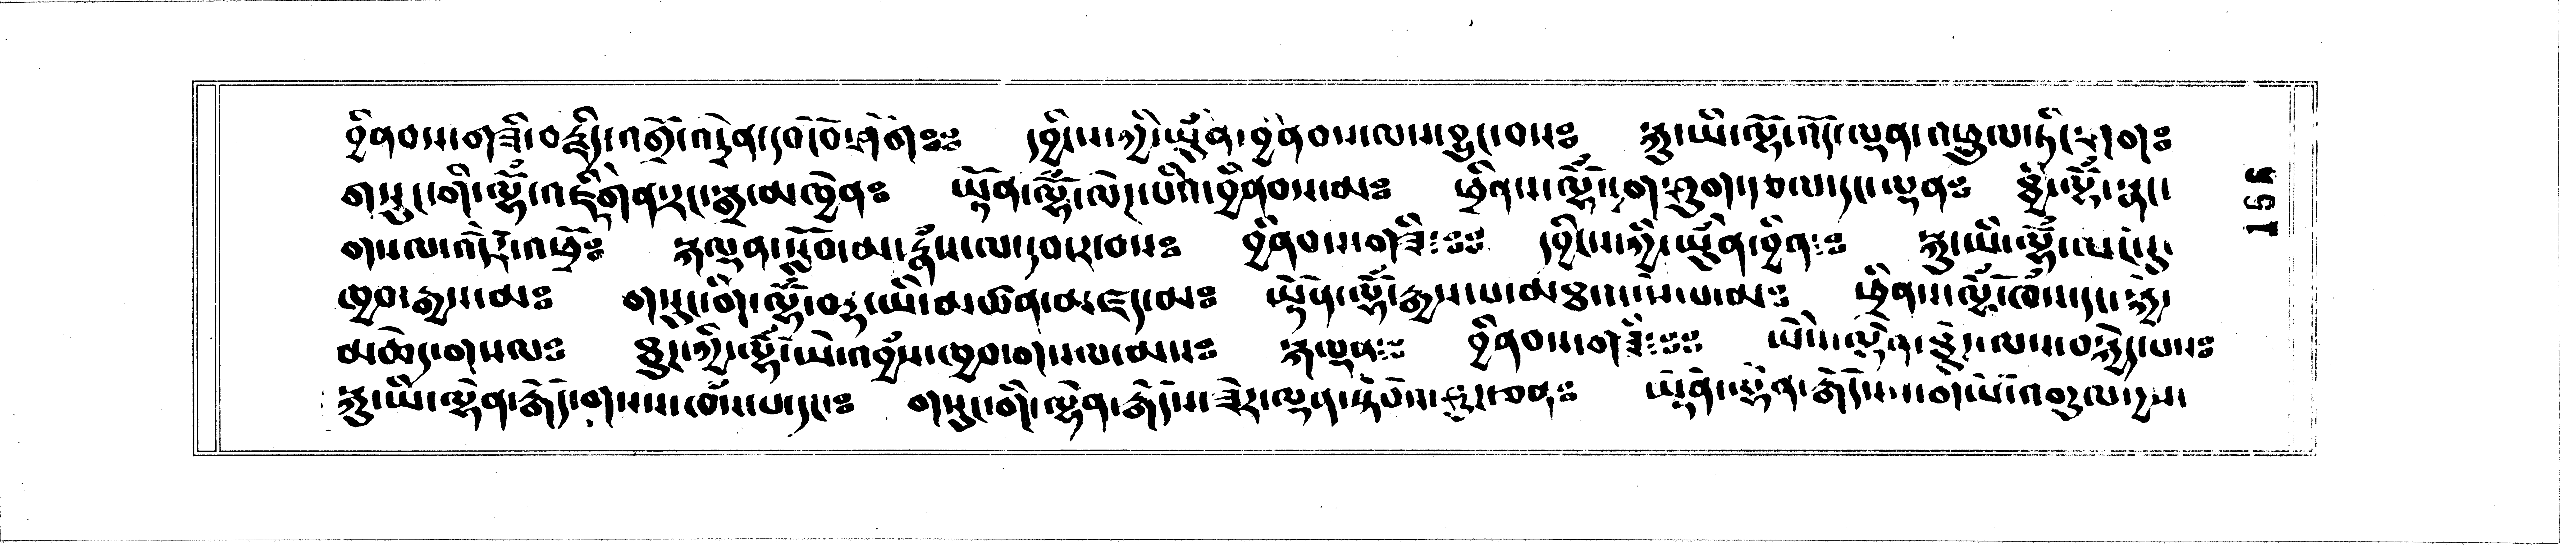བྱིན་རླབས་གཟི་བརྗིད་འགྲོ་འདྲེན་དབང་ཐོབ་ཤོགཿ དབྱིངས་ཀྱི་ཡུམ་ཆེན་བྱིན་རླབས་ལས་བྱུང་བའིཿསྐུ་ཡི་ལྷ་མོ་འོད་ལྡན་འཕྲུལ་ཏིང་ཤག་ལ་ཕྱག་འཚལ་ལོཿ
 གསུང་གི་ལྷ་མོ་འཇིག་རྟེན་རང་སྒྲ་མཁྱེནཿ ཡོན་ཏན་གྱི་ལྷ་མོ་ལེགས་པའི་བྱིན་རླབས་མཿ ཕྲིན་ལས་ཀྱི་ལྷ་མོ་དྲག་ཤུལ་རྩལ་དང་ལྡནཿ ཐུགས་ཀྱི་ལྷ་མོ་སྣང་
གསལ་འོད་ཟེར་འཕྲོཿ སྐལ་ལྡན་སློབ་མ་རྣམས་ལ་དབང་བསྐུར་བསཿ བྱིན་རླབས་གཟི་བརྗིད་འགྲོ་འདྲེན་དབང་ཐོབ་ཤོགཿ དབྱིངས་ཀྱི་ཡུམ་ཆེན་བྱིན་རླབས་ལས་བྱུང་བའིཿ སྐུ་ཡི་ལྷ་མོ་ཡོངས་སུ་
ཁྱབ་རྒྱས་མཿ གསུང་གི་ལྷ་མོ་བརྡ་ཡི་མཚོན་མཛད་མཿ ཡོན་ཏན་གྱི་ལྷ་མོ་རྒྱས་པ་མཐའ་སྤེལ་མཿ ཕྲིན་ལས་ཀྱི་ལྷ་མོ་ཁམས་དང་སྐྱེ་
མཆེད་གསལཿ ཐུགས་ཀྱི་ལྷ་མོ་ཡེ་འབྱམས་ཁྱབ་གསལ་མསཿ སྐལ་ལྡན་སློབ་མ་རྣམས་ལ་དབང་བསྐུར་བསཿ བྱིན་རླབས་གཟི་བརྗིད་འགྲོ་འདྲེན་དབང་ཐོབ་ཤོགཿ ཡེ་ཤེས་ལྷ་ཆེན་ཐུགས་རྗེ་ལས་བསྐྱེད་པའིཿ
 སྐུ་ཡི་ལྷ་ཆེན་རྒོད་གསས་ཁམས་པ་དངཿ གསུང་གི་ལྷ་ཆེན་རྒོད་གསས་ཟེར་ལྡན་སྟོབས་ཤུགས་ཅནཿ ཡོན་ཏན་གྱི་ལྷ་ཆེན་རྒོད་གསས་གཡོ་འགུལ་རྒྱས་